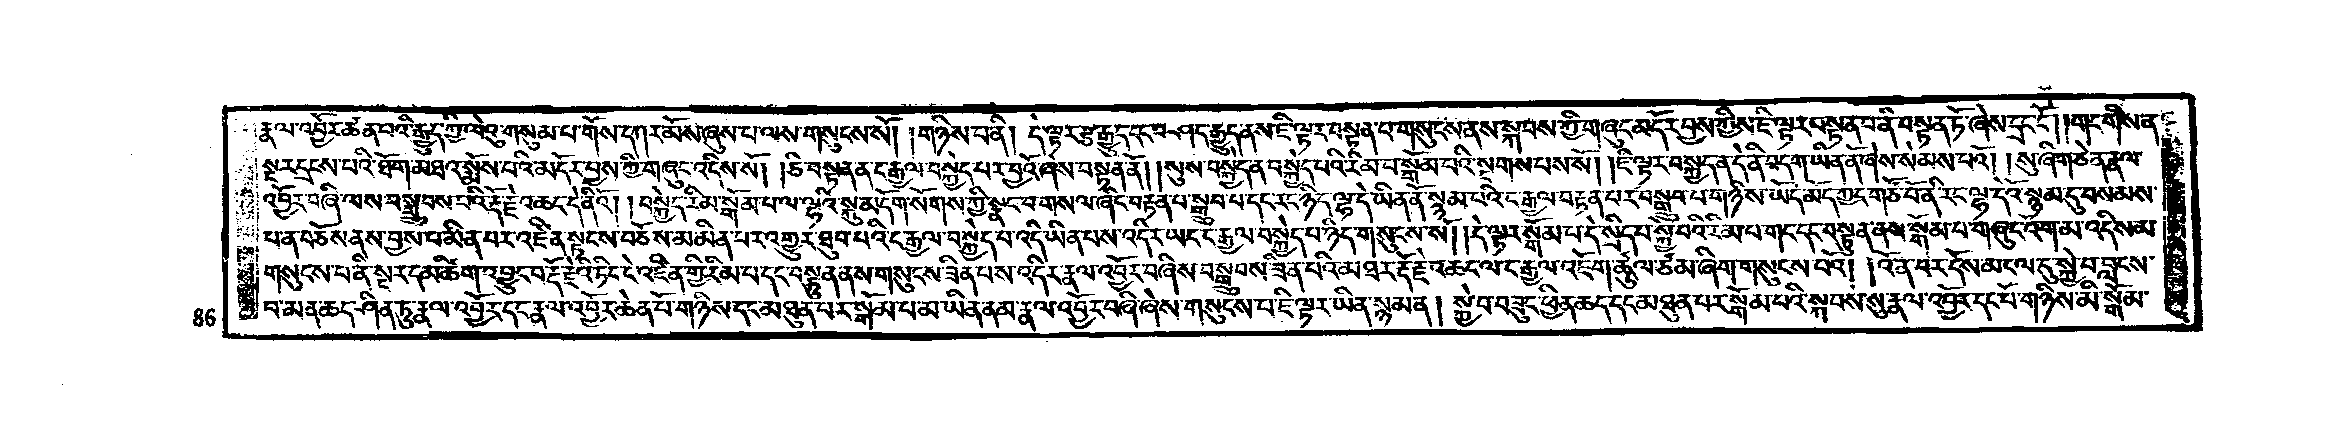རྣལ་འབྱོར་ཆེན་པོའི་རྒྱུད་ཀྱི་ལེའུ་གསུམ་པ་གོས་དཀར་མོས་ཞུས་པ་ལས་གསུངས་སོ། །གཉིས་པ་ནི། དེ་ལྟར་རྩ་རྒྱུད་དང་བཤད་རྒྱུད་ནས་ཇི་ལྟར་བསྟན་པ་གསུངས་ནས་སྐབས་ཀྱི་གཞུང་མདོར་བྱས་ཀྱིས་ཇི་ལྟར་བསྟན་པ་ནི་བསྟན་ཏོ་ཞེས་དྲང་ངོ། །གང་གིས་ན་
སྔར་དྲངས་པའི་ཐོག་མཐའ་སྨོས་པའི་མདོར་བྱས་ཀྱི་གཞུང་འདིས་སོ། །ཅི་བསྟན་ན་ང་རྒྱལ་བསྐྱེད་པར་བྱའོ་ཞེས་བསྟན་ནོ། །སུས་བསྐྱེད་ན་བསྐྱེད་པའི་རིམ་པ་སྒོམ་པའི་སྔགས་པས་སོ། །ཇི་ལྟར་བསྐྱེད་ན་དེ་ནི་བདག་ཡིན་ནོ་ཞེས་སེམས་པའོ། །སུ་ཞིག་ཅེ་ན་རྣལ་
འབྱོར་བཞི་ལས་བསྒྲུབས་པའི་རྡོ་རྗེ་འཆང་དེ་ནིའོ། །བསྐྱེད་རིམ་སྒོམ་པ་ལ་ལྷའི་སྐུ་མདོག་སོགས་ཀྱི་སྣང་བ་གསལ་ཞིང་བརྟན་པ་སྒྲུབ་པ་དང་རང་ཉིད་ལྷ་དེ་ཡིན་ནོ་སྙམ་པའི་ང་རྒྱལ་བརྟན་པར་བསྒྲུབ་པ་གཉིས་ཡོད་མོད་ཀྱང་གཙོ་བོ་ནི་རང་ལྷ་དེའོ་སྙམ་དུ་བསམས་
པ་ན་བཅོས་ནས་བྱས་པ་མིན་པར་འཛིན་སྟངས་བཅོས་མ་མིན་པར་འགྱུར་ཐུབ་པའི་ང་རྒྱལ་བསྐྱེད་པ་འདི་ཡིན་པས་འདིར་ཡང་ང་རྒྱལ་བསྐྱེད་པ་ཉིད་གསུངས་སོ། །དེ་ལྟར་སྒོམ་པ་དེ་སྲིད་པ་སྐྱེ་བའི་རིམ་པ་གང་དང་བསྟུན་ནས་སྒོམ་པ་གཞུང་འོག་མ་འདིས་མ་
གསུངས་པ་ནི་སྔར་དམ་ཚིག་འབྱུང་བ་རྡོ་རྗེའི་ཏིང་ངེ་འཛིན་གྱི་རིམ་པ་དང་བསྟུན་ནས་གསུངས་ཟིན་པས་འདིར་རྣལ་འབྱོར་བཞིས་བསྒྲུབས་ཟིན་པའི་མཐར་རྡོ་རྗེ་འཆང་ལ་ང་རྒྱལ་འཇོག་ཚུལ་ཙམ་ཞིག་གསུངས་པའོ། །འོ་ན་བར་དོས་མངལ་དུ་སྐྱེ་བ་བླངས་
བ་མན་ཆད་ཤིན་ཏུ་རྣལ་འབྱོར་དང་རྣལ་འབྱོར་ཆེན་པོ་གཉིས་དང་མཐུན་པར་སྒོམ་པ་མ་ཡིན་ནམ་རྣལ་འབྱོར་བཞི་ཞེས་གསུངས་པ་ཇི་ལྟར་ཡིན་སྙམ་ན། སྐྱེ་བ་བཟུང་ཕྱིན་ཆད་དང་མཐུན་པར་སྒོམ་པའི་སྐབས་སུ་རྣལ་འབྱོར་དང་པོ་གཉིས་མི་སྒོམ་